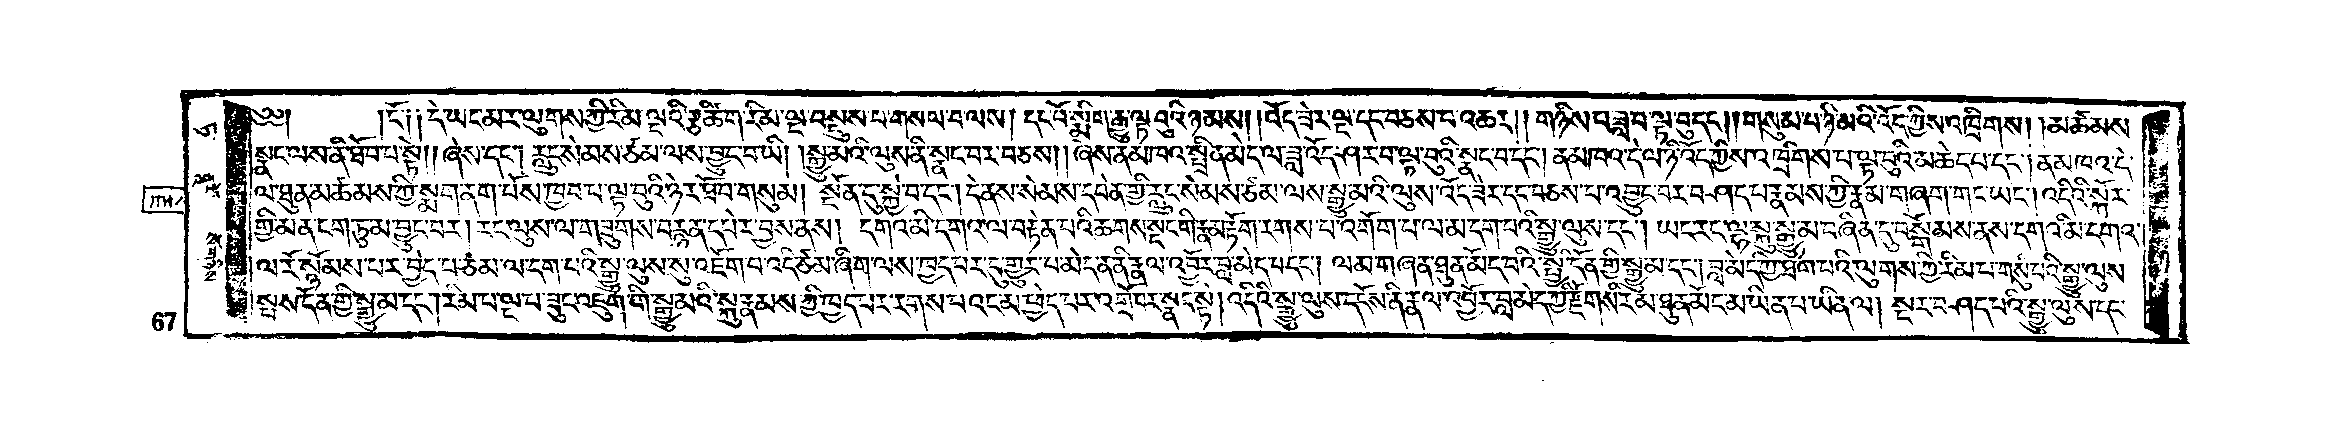༄༅། །ངོ། །དེ་ཡང་མར་ལུགས་ཀྱི་རིམ་ལྔའི་རྩ་ཚིག་རིམ་ལྔ་བསྡུས་པ་གསལ་བ་ལས། དང་པོ་སྨིག་རྒྱུ་ལྟ་བུའི་ཉམས། །འོད་ཟེར་ལྔ་དང་བཅས་པ་འཆར། །གཉིས་པ་ཟླ་བ་ལྟ་བུ་དང་། །གསུམ་པ་ཉི་མའི་འོད་ཀྱིས་འཁྲིགས། །མཚམས་
སྣང་ལས་ནི་ཐོབ་པ་སྟེ། །ཞེས་དང་། རླུང་སེམས་ཙམ་ལས་བྱུང་བ་ཡི། །སྒྱུ་མའི་ལུས་ནི་སྣང་བར་བཅས། །ཞེས་ནམ་མཁའ་སྤྲིན་མེད་ལ་ཟླ་འོད་ཤར་བ་ལྟ་བུའི་སྣང་བ་དང་། ནམ་མཁའ་དེ་ལ་ཉི་འོད་ཀྱིས་འཁྲིགས་པ་ལྟ་བུའི་མཆེད་པ་དང་། ནམ་མཁའ་དེ་
ལ་ཐུན་མཚམས་ཀྱི་སྨག་ནག་པོས་ཁྱབ་པ་ལྟ་བུའི་ཉེར་ཐོབ་གསུམ། སྔོན་དུ་སྐྱེ་བ་དང་། དེ་ནས་སེམས་དབེན་གྱི་རླུང་སེམས་ཙམ་ལས་སྒྱུ་མའི་ལུས་འོད་ཟེར་དང་བཅས་པ་འབྱུང་བར་བཤད་པ་རྣམས་ཀྱི་རྣམ་གཞག་གང་ཡང་། འདིའི་སྐོར་
གྱི་མན་ངག་ཏུ་མ་བྱུང་བར། རང་ལུས་ལ་གཟུགས་བརྙན་དཔེར་བྱས་ནས། དགའ་མི་དགའ་ལ་བརྟེན་པའི་ཆགས་སྡང་གི་རྣམ་རྟོག་རགས་པ་འགོག་པ་ལ་མ་དག་པའི་སྒྱུ་ལུས་དང་། ཡང་རང་ལྷ་སྐུ་སྒྱུ་མ་བཞིན་དུ་བསྒོམས་ནས་དགའ་མེ་དགའ་
ལ་རོ་སྙོམས་པར་བྱེད་པ་ཙམ་ལ་དག་པའི་སྒྱུ་ལུས་སུ་འཇོག་པ་འདི་ཙམ་ཞིག་ལས་ཁྱད་པར་དུ་གྱུར་པ་མེད་ན་ནི་རྣལ་འབྱོར་བླ་མེད་པ་དང་། ལམ་གཞན་ཐུན་མོད་བའི་སྤྱི་དོན་གྱི་སྒྱུ་མ་དང་། བླ་མེད་ཀྱི་ཐེག་པའི་ལུགས་ཀྱི་རིམ་པ་གསུམ་པའི་སྒྱུ་ལུས་
སྦས་དོན་གྱི་སྒྱུ་མ་དང་། རིམ་པ་ལྔ་པ་ཟུང་འཇུག་གི་སྒྱུ་མའི་སྐུ་རྣམས་ཀྱི་ཁྱད་པར་རགས་པའང་མ་ཕྱེད་པར་འགྲོ་བར་སྣང་སྟེ། འདིའི་སྒྱུ་ལུས་དངོས་ནི་རྣལ་འབྱོར་བླ་མེད་ཀྱི་རྫོགས་རིམ་ཐུན་མོང་མ་ཡིན་པ་ཡིན་ལ། སྔར་བཤད་པའི་སྒྱུ་ལུས་དང་